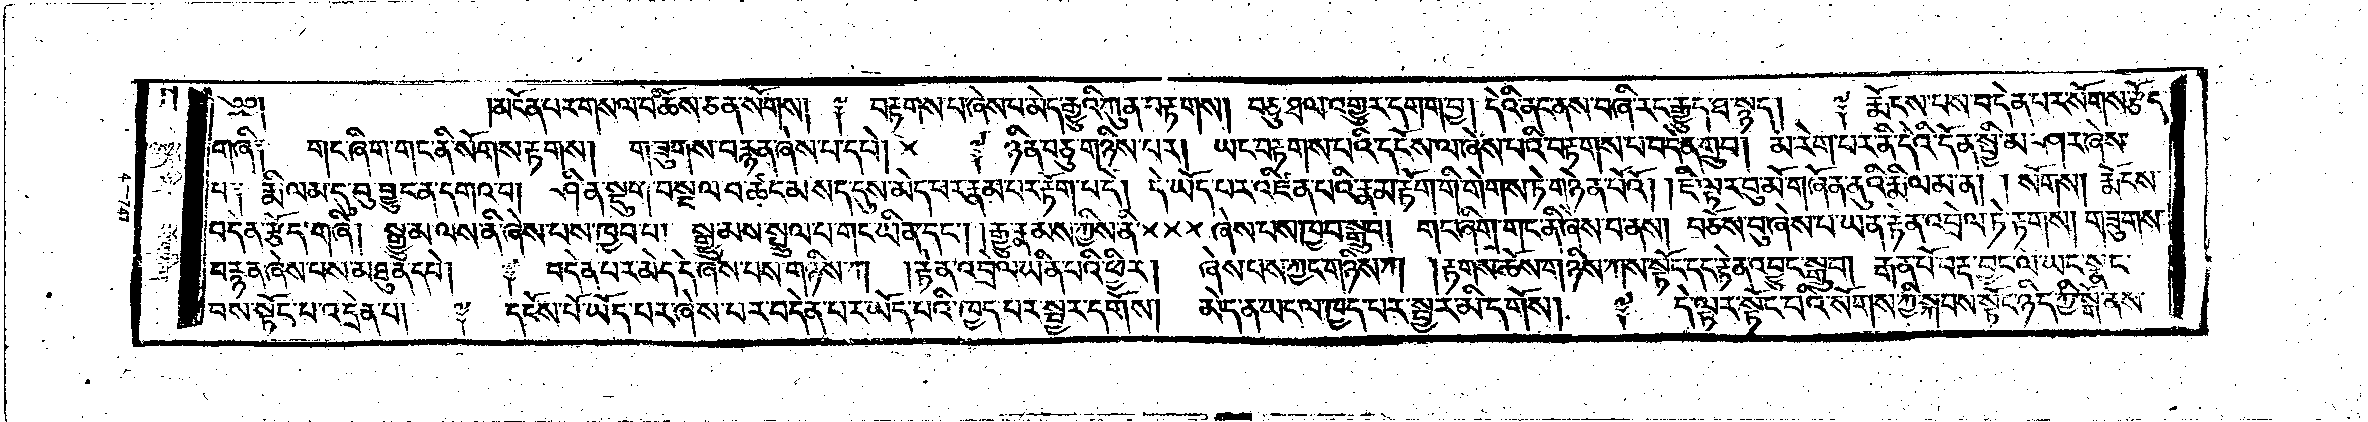༄༅། །མངོན་པར་གསལ་བ་ཆོས་ཅན་སོགས། ༈ བརྟགས་པ་ཞེས་པ་མེད་རྒྱུའི་ཀུན་བརྟགས། བཅུ་ཐལ་འགྱུར་དགག་བྱ། དེའི་ནང་ནས་བཞི་རང་རྒྱུད་ཐ་སྙད། ༈ རྨོངས་པས་བདེན་པར་སོགས་རྩོད་
གཞི༑ གང་ཞིག་གང་ནི་སོགས་རྟགས། གཟུགས་བརྙན་ཞེས་པ་དཔེ། ྾་༈ ཉིན་བཅུ་གཉིས་པར། ཡང་བརྟགས་པའི་དངོས་ལ་ཞེས་པའི་བརྟགས་པ་བདེན་གྲུབ། མ་རེག་པར་ནི་དེའི་དོན་སྤྱི་མ་ཤར་ཞེས་
པ༑ རྨི་ལམ་དུ་བུ་བྱུང་ན་དགའ་བ། ཤི་ན་སྡུག་བསྔལ་བ་ཚང་མ་སད་དུས་མེད་ཕར་རྣམ་པར་རྟོག་པ་དེ། དེ་ཡོད་པར་འཛིན་པའི་རྣམ་རྟོག་གི་གེགས་ཏེ་གཉེན་པོའོ། །ཇི་ལྟར་བུ་མོ་གཞོན་ནུའི་རྨི་ལམ་ན། །སོགས། རྨོངས་
བདེན་རྩོད་གཞི། སྒྱུ་མ་ལས་ནི་ཞེས་པས་ཁྱབ་པ། སྒྱུ་མས་སྤྲུལ་པ་གང་ཡིན་དང་། །རྒྱུ་རྣམས་ཀྱིས་ནི་྾་྾་྾་ཞེས་པས་ཁྱབ་སྒྲུབ། གང་ཞིག་གང་ནི་ཞེས་པ་ནས། བཅོས་བུ་ཞེས་པ་ཡན་རྟེན་འབྲེལ་ཏེ་རྟགས། གཟུགས་
བརྙན་ཞེས་པས་མཐུན་དཔེ། ༈ བདེན་པར་མེད་དེ་ཞེས་པས་གཉིས་ཀ །རྟེན་འབྲེལ་ཡིན་པའི་ཕྱིར། ཞེས་པས་ཀྱང་གཉིས་ཀ །རྟགས་ཆོས་གཉིས་ཀས་སྟོང་དང་རྟེན་འབྱུང་སྒྲུབ། རྒན་པོ་བརྡ་བྱུང་ལ་ཡང་སྣང་
བས་སྟོང་པ་འདྲེན་པ། ༈ དངོས་པོ་ཡོད་པར་ཞེས་པར་བདེན་པར་ཡོད་པའི་ཁྱད་པར་སྦྱར་དགོས། མེད་ན་ཡང་ལ་ཁྱད་པར་སྦྱར་མི་དགོས། ༈ དེ་ལྟར་སྟོང་པའི་སོགས་ཀྱི་སྐབས་སྟོང་ཉིད་ཀྱི་སྒོ་ནས་